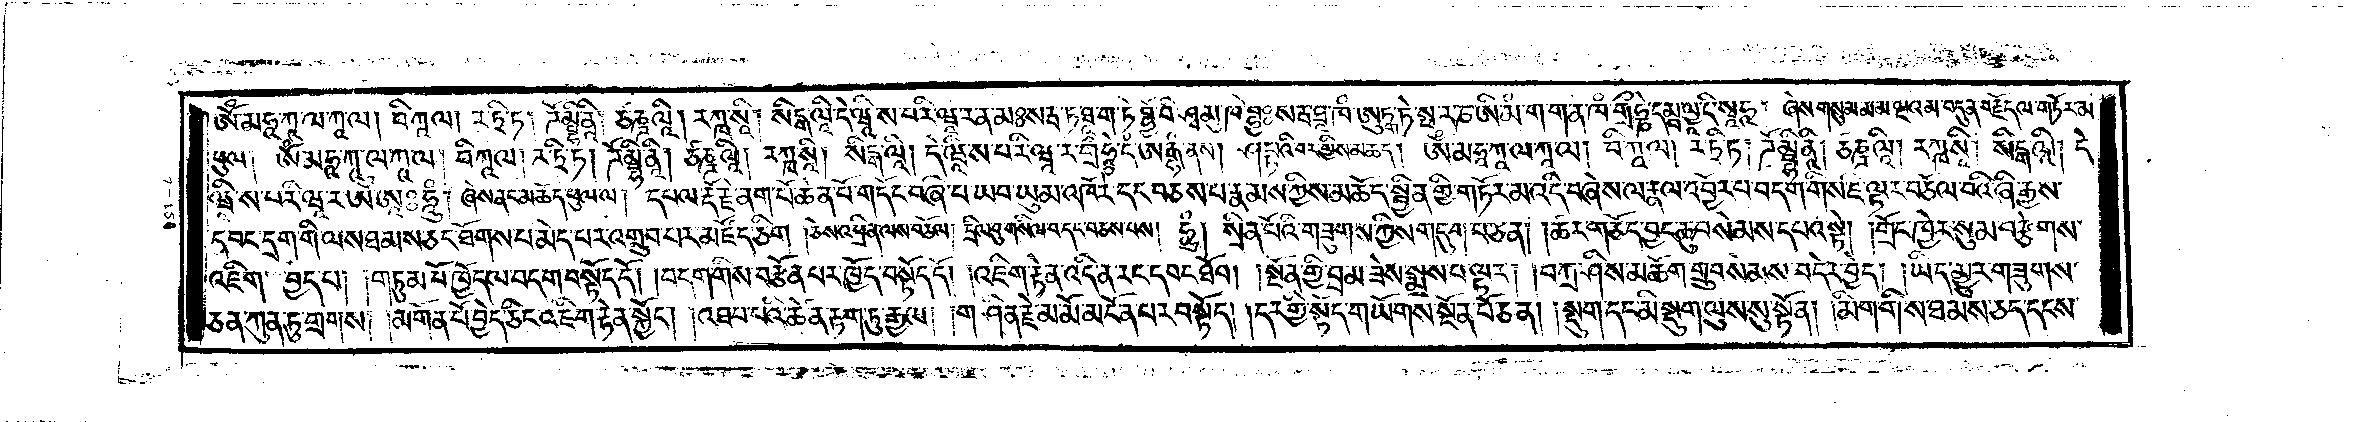ཨོཾ་མཏཱ་ཀཱ་ལ་ཀཱ་ལ། བི་ཀཱ་ལ། ར་ཏྲི་ཏ། ཌོ་མྦི་ནཱི། ཙཎྜ་ལཱི། རཀྑ་སཱི། སིངྒ་ལཱི་དེ་ཝཱི་ས་བ་རི་ཝཱ་ར་ན་མཿསརྦ་ཏ་ཐཱ་ག་ཏེ་བྷྱོ་བི་ཤྭ་མུ་ཁེ་བྷྱཿསརྦ་ཐཱ་ཁཾ་ཨུཏྒ་ཏེ་སྥ་ར་ཎ་ཨི་མཾ་ག་ག་ན་ཁཾ་གྲྀ་ཎྞེ་དམྦ་ལྱཱ་དི་སྭཱ་ཧྲ། ཞེས་གསུམ་མམ་ལྔའམ་བདུན་བརྗོད་ལ་གཏོར་མ་
ཕུལ༑ ཨོཾ་མཧཱ་ཀཱ་ལ་ཀཱ་ལ། བི་ཀཱ་ལ། ར་ཏྲི་ཏ། ཌོམྦྷི་ནཱི། ཙཎྜ་ལཱི། རཀྑ་སཱི། སིངྒ་ལཱི། དེ་ཝཱ་ས་པ་རི་ཝཱ་ར་གྲྀཧྞེ་དཾ་ཨརྒྷཾ་ནས། ཤཔྟའི་བར་གྱིས་མཆོད། ཨོཾ་མཧཱ་ཀཱ་ལ་ཀཱ་ལ། བི་ཀཱ་ལ། ར་ཏྲི་ཏ། ཌོ་མྦྷི་ནཱི། ཙཎྜ་ལཱི། རཀྑ་སཱི། སིངྒ་ལཱི། དེ་
ཝི་ས་པ་རི་ཝཱ་ར་ཨོཾ་ཨཱཿ ཧཱུཾ། ཞེས་ནང་མཆོད་ཕུལ་ལ།  དཔལ་རྡོ་རྗེ་ནག་པོ་ཆེན་པོ་གདོང་བཞི་པ་ཡབ་ཡུམ་འཁོར་དང་བཅས་པ་རྣམས་ཀྱིས་མཆོད་སྦྱིན་གྱི་གཏོར་མ་འདི་བཞེས་ལ་རྣལ་འབྱོར་བ་བདག་གིས་ཇི་ལྟར་བཅོལ་བའི་ཞི་རྒྱས་
དབང་དྲག་གི་ལས་ཐམས་ཅད་ཐོགས་པ་མེད་པར་འགྲུབ་པར་མཛོད་ཅིག་།ཅེས་འཕྲིན་ལས་བཅོལ། དྲིལ་བུ་གསིལ་བ་དང་བཅས་པས།  ཧཱུཾ། སྲིན་པོའི་གཟུགས་ཀྱིས་གདུག་པ་ཅན། །ཚར་གཅོད་བྱང་ཆུབ་སེམས་དཔའ་སྟེ། །གྲོང་ཁྱེར་སུམ་བརྩེགས་
འཇིག་བྱེད་པ། །གཏུམ་པོ་ཁྱོད་ལ་བདག་བསྟོད་དོ། །བདག་གིས་བརྩོན་པར་ཁྱོད་བསྟོད་དོ། །འཇིག་རྟེན་འདི་ན་རང་དབང་ཐོབ། །སྔོན་གྱི་བྲམ་ཟེས་སྨྲས་པ་ལྟར། །བཀྲ་ཤིས་མཆོག་གྲུབ་སེམས་པ་དེར་བྱེད། །ཡིད་མྱུར་གཟུགས་
ཅན་ཀུན་ཏུ་གྲགས། །མགོན་པོ་བྱེད་ཅིང་འཇིག་རྟེན་སྐྱོང་། །འཐབ་པའི་ཚེན་རྟག་ཏུ་རྒྱལ། །གཤིན་རྗེ་མ་མོ་མངོན་པར་བསྟོད། །དར་གྱི་སྟོད་གཡོགས་སྔོན་པོ་ཅན། །སྡུག་དང་མི་སྡུག་ལུས་སུ་སྟོན། །མིག་གིས་ཐམས་ཅད་དང་ས་